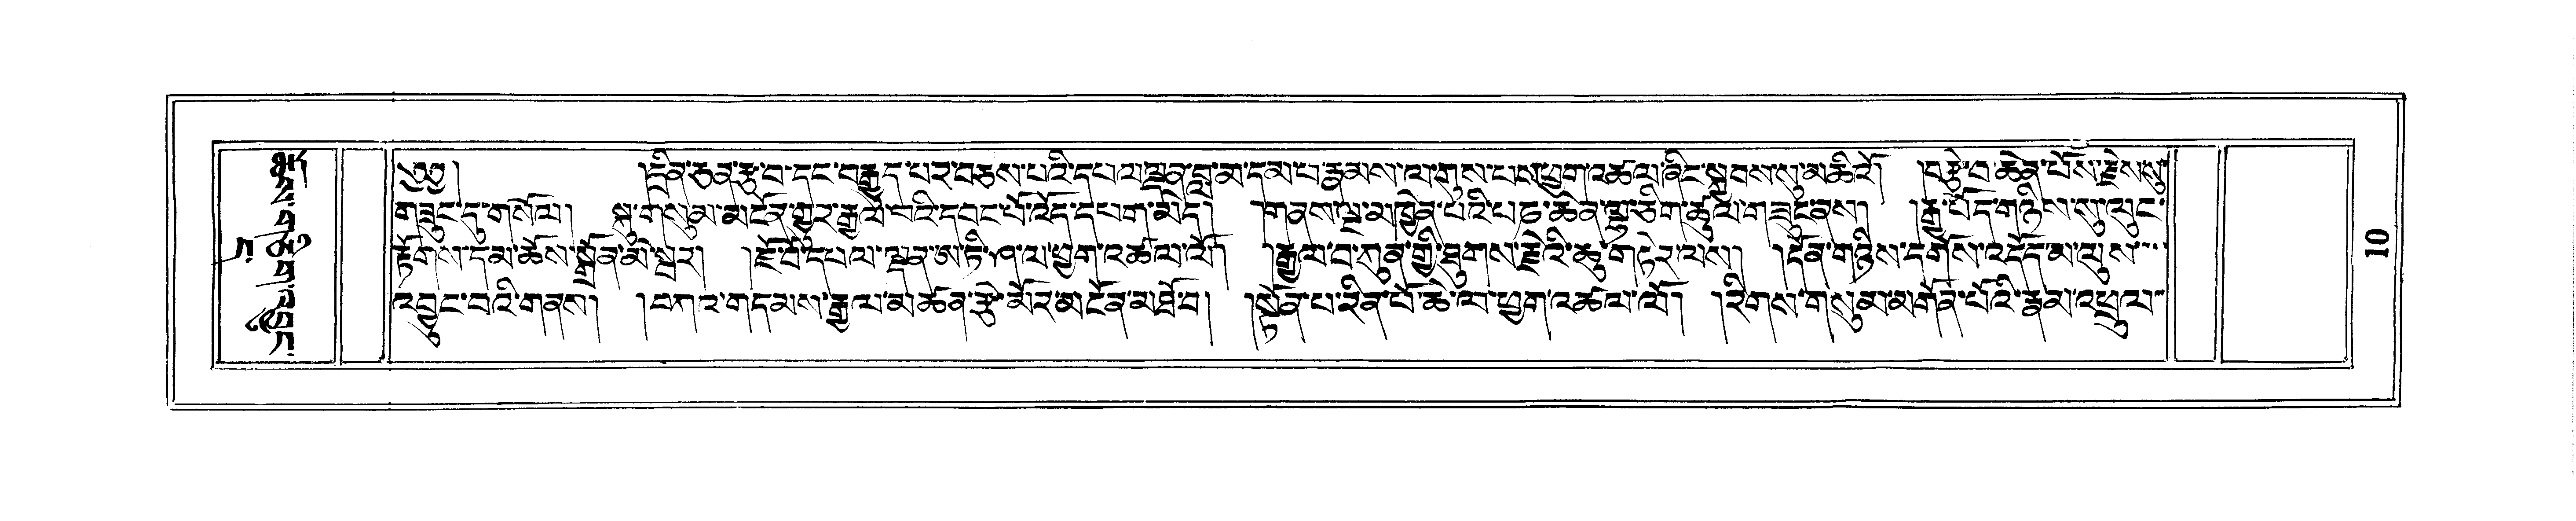༄༅། །དྲིན་ཅན་རྩ་བ་དང་བརྒྱུད་པར་བཅས་པའི་དཔལ་ལྡན་བླ་མ་དམ་པ་རྣམས་ལ་གུས་པས་ཕྱག་འཚལ་ཞིང་སྐྱབས་སུ་མཆིའོ། །བརྩེ་བ་ཆེན་པོས་རྗེས་སུ་
གཟུང་དུ་གསོལ། སྐུ་གསུམ་མངོན་གྱུར་རྒྱལ་བའི་དབང་པོ་འོད་དཔག་མེད། །གནས་ལྔ་མཁྱེན་པའི་པཎ་ཆེན་ལྷ་ཅིག་ཚུལ་གཟུང་ནས། །རྒྱ་པོད་གཉིས་སུ་ལུང་
རྟོགས་དམ་ཆོས་སྒྲོན་མེ་སྦར། །ཇོ་བོ་དཔལ་ལྡན་ཨ་ཏི་ཤ་ལ་ཕྱག་འཚལ་ལོ། །རྒྱལ་བ་ཀུན་གྱི་ཐུགས་རྗེའི་ཆུ་གཏེར་ལས། །དོན་གཉིས་དགོས་འདོད་མ་ལུས་
འབྱུང་བའི་གནས། །བཀའ་གདམས་རྒྱལ་མཚན་རྩེ་མོར་མངོན་མཐོ་བ། །སྟོན་པ་རིན་པོ་ཆེ་ལ་ཕྱག་འཚལ་ལོ། །རིགས་གསུམ་མགོན་པོའི་རྣམ་འཕྲུལ་